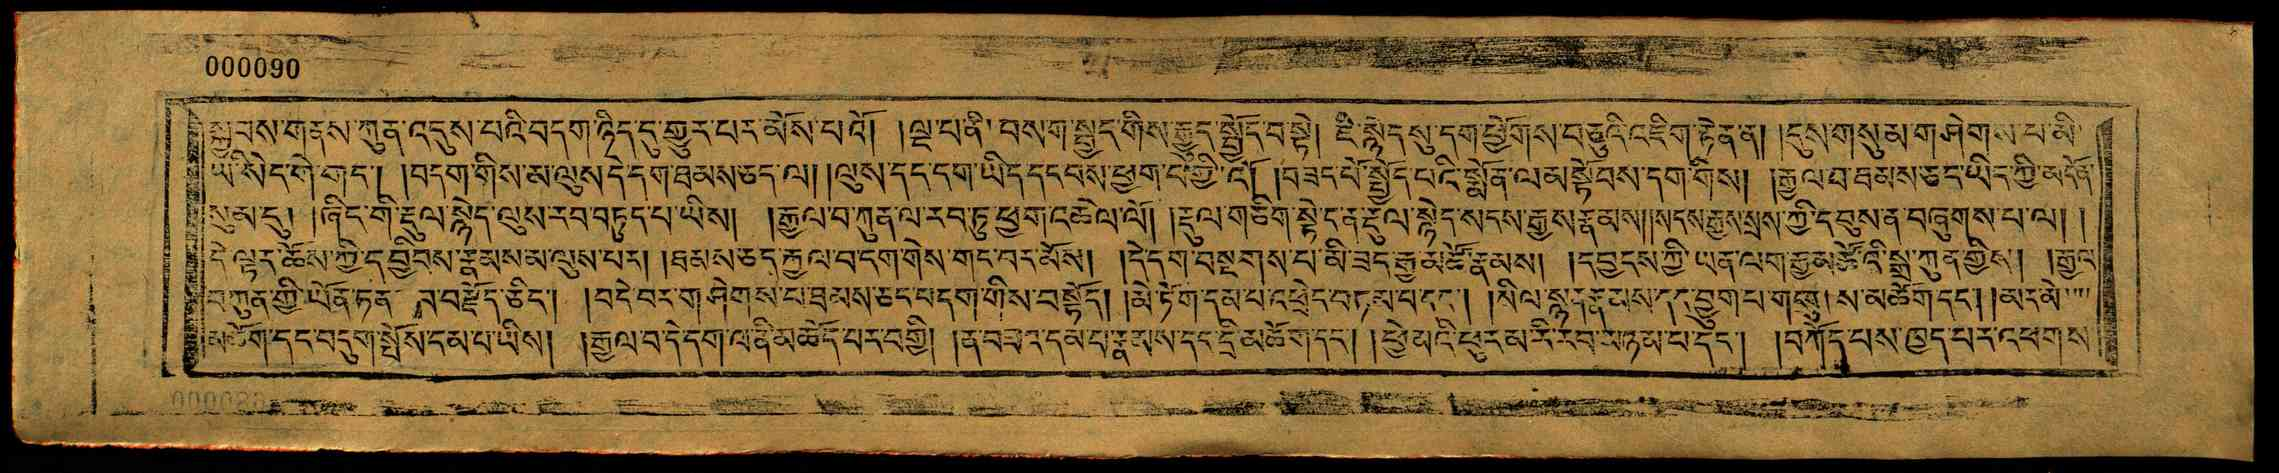སྐྱབས་གནས་ཀུན་འདུས་པའི་བདག་ཉིད་དུ་གྱུར་པར་མོས་པའོ། །ལྔ་པ་ནི། བསག་སྦྱང་གིས་རྒྱུད་སྦྱང་པ་སྟེ། ཇི་སྙེད་སུ་དག་ཕྱོགས་བཅུའི་འཇིག་རྟེན་ན། །དུས་གསུམ་གཤེགས་པ་མི་
ཡི་སེང་གེ་གང་། །བདག་གིས་མ་ལུས་དེ་དག་ཐམས་ཅད་ལ། །ལུས་དང་ངག་ཡིད་དང་བས་ཕྱག་བགྱིའོ། །བཟང་པོ་སྤྱོད་པའི་སྨོན་ལམ་སྟོབས་དག་གིས། །རྒྱལ་བ་ཐམས་ཅད་ཡིད་ཀྱི་མངོན་
སུམ་དུ། །ཞིང་གི་རྡུལ་སྙེད་ལུས་རབ་བཏུད་པ་ཡིས། །རྒྱལ་བ་ཀུན་ལ་རབ་ཏུ་ཕྱག་འཚལ་ལོ། །རྡུལ་གཅིག་སྟེང་ན་རྡུལ་སྙེད་སངས་རྒྱས་རྣམས། །སངས་རྒྱས་སྲས་ཀྱི་དབུས་ན་བཞུགས་པ་ལ། །
དེ་ལྟར་ཆོས་ཀྱི་དབྱིངས་རྣམས་མ་ལུས་པར། །ཐམས་ཅད་རྒྱལ་བ་དག་གིས་གང་བར་མོས། །དེ་དག་བསྔགས་པ་མི་ཟད་རྒྱ་མཚོ་རྣམས། །དབྱངས་ཀྱི་ཡན་ལག་རྒྱ་མཚོའི་སྒྲ་ཀུན་གྱིས། །རྒྱལ་
བ་ཀུན་གྱི་ཡོན་ཏན་རབ་བརྗོད་ཅིང་། །བདེ་བར་གཤེགས་པ་ཐམས་ཅད་བདག་གིས་བསྟོད། །མེ་ཏོག་དམ་པ་འཕྲེང་བ་དམ་པ་དང་། །སིལ་སྙན་རྣམས་དང་བྱུག་པ་གདུགས་མཆོག་དང་། །མར་མེ་
མཆོག་དང་བདུག་སྤོས་དམ་པ་ཡིས། །རྒྱལ་བ་དེ་དག་ལ་ནི་མཆོད་པར་བགྱི། །ན་བཟའ་དམ་པ་རྣམས་དང་དྲི་མཆོག་དང་། །ཕྱེ་མའི་ཕུང་མ་རི་རབ་མཉམ་པ་དང་། །བཀོད་པས་ཁྱད་པར་འཕགས་